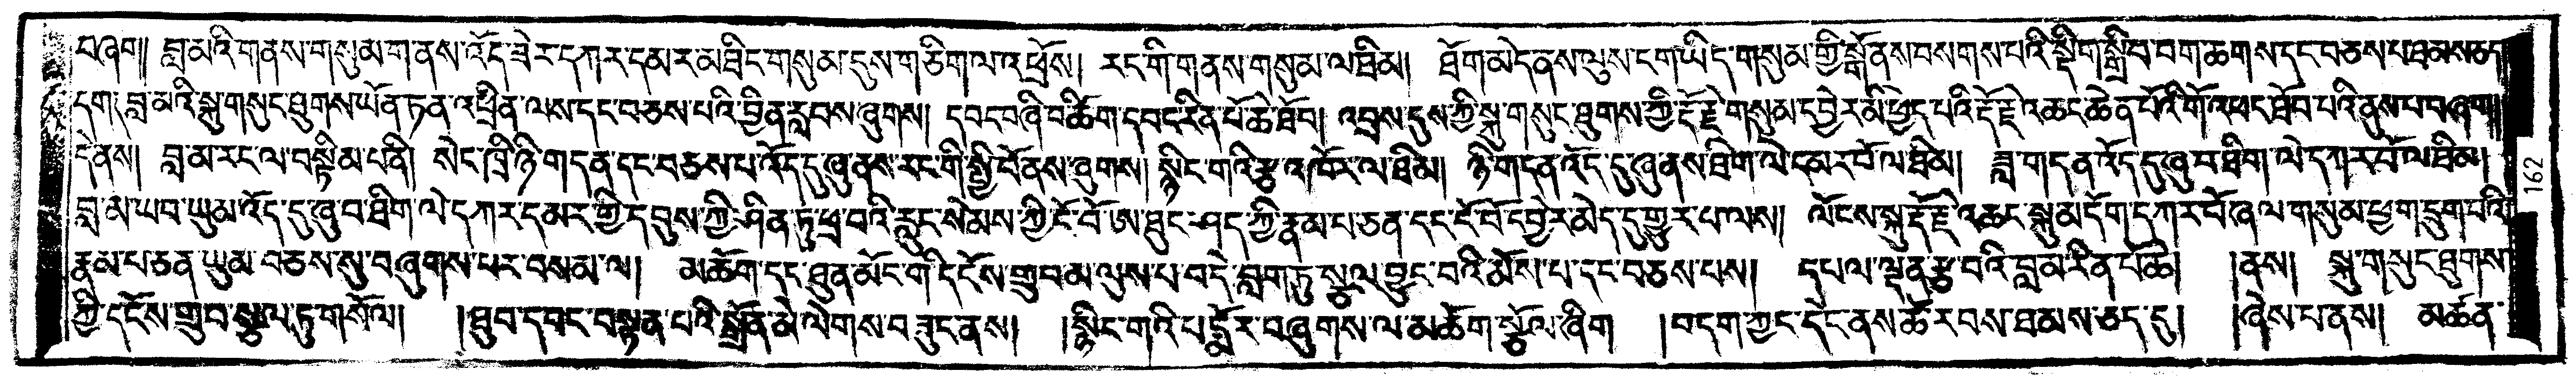བཞག།། བླ་མའི་གནས་གསུམ་གནས་འོད་ཟེར་དཀར་དམར་མཐིང་གསུམ་དུས་གཅིག་ལ་འཕྲོས། རང་གི་གནས་གསུམ་ལ་ཐིམ། ཐོག་མེད་ནས་ལུས་ངག་ཡིད་གསུམ་གྱི་སྒོ་ནས་བསགས་པའི་སྡིག་སྒྲིབ་བག་ཆགས་དང་བཅས་པ་ཐམས་ཅད་
དག༑ བླ་མའི་སྐུ་གསུང་ཐུགས་ཡོན་ཏན་འཕྲིན་ལས་དང་བཅས་པའི་བྱིན་རླབས་ཞུགས། དབང་བཞི་བ་ཚིག་དབང་རིན་པོ་ཆེ་ཐོབ། འབྲས་དུས་ཀྱི་སྐུ་གསུང་ཐུགས་ཀྱི་རྡོ་རྗེ་གསུམ་དབྱེར་མི་ཕྱེད་པའི་རྡོ་རྗེ་འཆང་ཆེན་པོའི་གོ་འཕང་ཐོབ་པའི་ནུས་པ་བཞག།
དེ་ནས། བླ་མ་རང་ལ་བསྟིམ་པ་ནི། སེང་ཁྲི་ཉི་གདན་དང་བཅས་པ་འོད་དུ་ཞུ་ནས་རང་གི་སྤྱི་བོ་ནས་ཞུགས། སྙིང་གའི་རྩ་འཁོར་ལ་ཐིམ། ཉི་གདན་འོད་དུ་ཞུ་ནས་ཐིག་ལེ་དམར་བོ་ལ་ཐིམ། ཟླ་གདན་འོད་དུ་ཞུ་བ་ཐིག་ལེ་དཀར་བོ་ལ་ཐིམ།
བླ་མ་ཡབ་ཡུམ་འོད་དུ་ཞུ་བ་ཐིག་ལེ་དཀར་དམར་གྱི་དབུས་ཀྱི་ཤིན་ཏུ་ཕྲ་བའི་རླུང་སེམས་ཀྱི་ངོ་བོ་ཨ་ཐུང་ཤད་ཀྱི་རྣམ་པ་ཅན་དང་ངོ་བོ་དབྱེར་མེད་དུ་གྱུར་པ་ལས། ལོངས་སྐུ་རྡོ་རྗེ་འཆང་སྐུ་མདོག་དཀར་པོ་ཞལ་གསུམ་ཕྱག་དྲུག་པའི་
རྣམ་པ་ཅན་ཡུམ་བཅས་སུ་བཞུགས་པར་བསམ་ལ། མཆོག་དང་ཐུན་མོང་གི་དངོས་གྲུབ་མ་ལུས་པ་བདེ་བླག་ཏུ་སྩལ་བྱུང་བའི་མོས་པ་དང་བཅས་པས། དཔལ་ལྡན་རྩ་བའི་བླ་མ་རིན་པོ་ཆེ། །ནས། སྐུ་གསུང་ཐུགས་
ཀྱི་དངོས་གྲུབ་སྩལ་ཏུ་གསོལ། །ཐུབ་དབང་བསྟན་པའི་སྒྲོན་མེ་ལེགས་བཟུང་ནས། །སྙིང་གའི་པདམོར་བཞུགས་ལ་མཆོག་སྩོལ་ཞིག །བདག་ཀྱང་དེང་ནས་ཚེ་རབས་ཐམས་ཅད་དུ། །ཞེས་པ་ནས། མཚན་